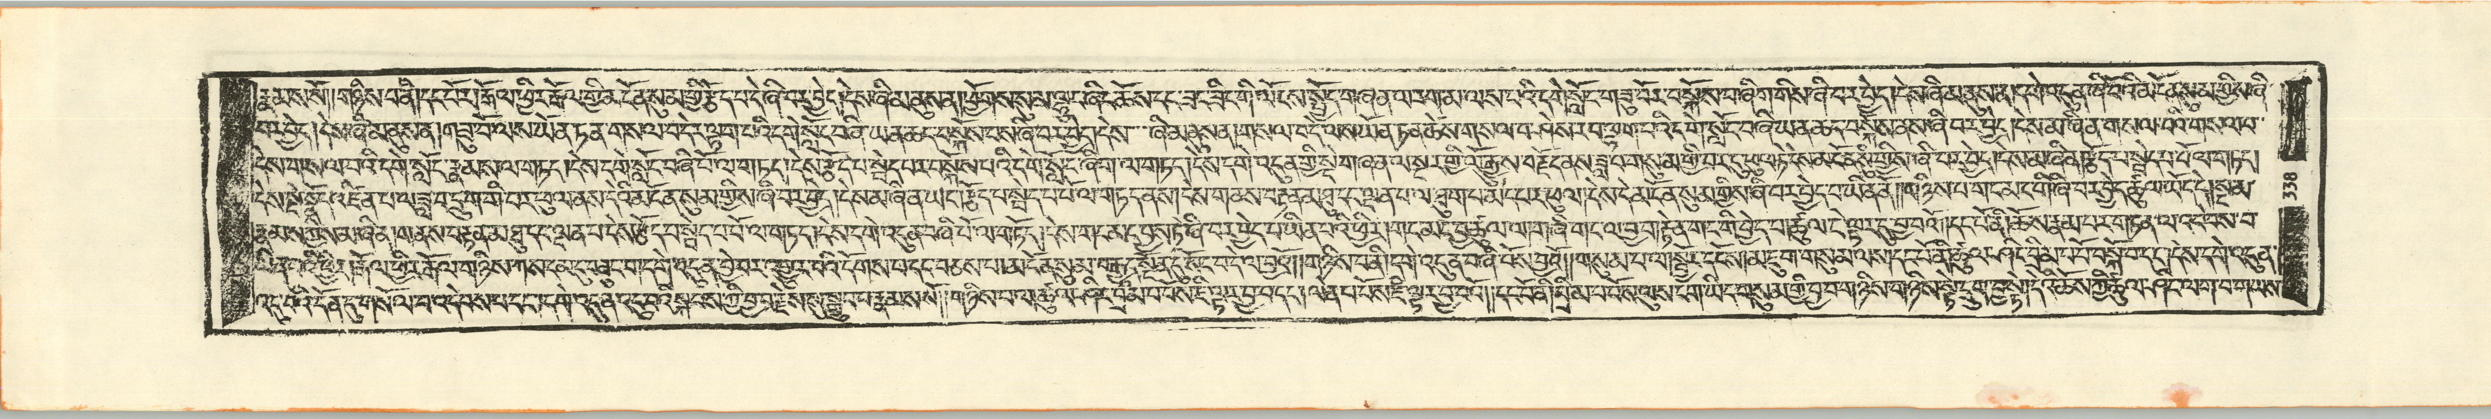རྣམས་སོ། །གཉིས་པ་ནི། དང་པོར། རྒོལ་ཕྱིར་རྒོལ་གྱི་མངོན་སུམ་གྱི་རྩོད་པ་དེ་ཞི་བར་བྱེད། དེས་ཞི་མ་ནུས་ན། ཕྱོགས་སུམ་ལྷུང་ཞིང་ཆོས་དང་ཟང་ཟིང་གི་ལོངས་སྤྱོད་གཞན་ལ་རག་མ་ལས་པའི་དགེ་སློང་གཟུ་བོར་བསྐོས་པ་ཞིག་གིས་ཞི་བར་བྱེད། དེས་ཞི་མ་ནུས་ན། དགེ་འདུན་ཞི་བོའི་མངོན་སུམ་གྱིས་ཞི་
བར་བྱེད། དེས་ཞི་མ་ནུས་ན། གཟུ་བོ་ལས་ཡོན་ཏན་གསལ་བ་དེར་ལྷག་པའི་དགེ་སློང་བཞི་ཡན་ཆད་བསྐོས་པས་ཞི་བར་བྱེད། དེས་ཞི་མ་ནུས་ན། གསལ་བ་དེ་ལས་ཡོན་ཏན་ཚེས་གསལ་བ་ཤེས་རབ་ལྷག་པའི་དགེ་སློང་བཞི་ཡན་ཆད་བསྐོས་ནས་ཞི་བར་བྱེད། དེས་མ་ཞི་ན་གསལ་བའི་གསལ་བ་
དེས་གསལ་བའི་དགེ་སློང་རྣམས་ལ་གཏང་། དེས་དགེ་སློང་བཞི་པོ་ལ་གཏད། དེས་རྩོད་པ་སྦེད་པར་བསྐོས་པའི་དགེ་སློང་ཞིག་ལ་གཏང་། དེས་དགེ་འདུན་གྱི་སྡེ་གཞན་ལ་སྔར་གྱི་ལོ་རྒྱུས་བརྗོད་ནས་ཟླ་བ་གསུམ་གྱི་བར་དུ་ཕུལ་ཏེ་ངེས་མངོན་སུམ་གྱིས་ཞི་བར་བྱེད། དེས་མ་ཞིན། རྩོད་པ་སྦེད་པ་པོ་ལ་གཏད།
དེས་སྡེ་སྣོད་འཛིན་པ་ལ་ཟླ་བ་དྲུག་གི་བར་ཕུལ་ནས་དེའི་མངོན་སུམ་གྱིས་ཞི་བར་བྱེད། དེས་མ་ཞི་ན་ཡང་། རྩོད་པ་སྦེད་པ་པོ་ལ་གཏད་ནས། དེས་གནས་བརྟན་མཐུ་དང་ལྡན་པ་ལ་ཐུག་པ་མེད་པར་ཕུལ། དེས་དེ་མངོན་སུམ་གྱིས་ཞི་བར་བྱེད་པ་ཡིན་ནོ། །གཉིས་པ་གང་མང་གི་ཞི་བར་བྱེད་ཚུལ་ཡོད་དེ། སྔ་མ་
རྣམས་ཀྱིས་མ་ཞིན། གནས་བརྟན་མཐུ་དང་ལྡན་པ་དེས་རྩོད་པ་སྦེད་པ་པོ་ལ་གཏད། དེས་དགེ་འདུན་བཞི་པོ་ལ་གཏོད། དེས་གང་མང་བྱས་ཏེ་ཞི་བར་བྱེད་པ་ཡིན་པའི་ཕྱིར། གང་མང་བྱ་ཚུལ་ལ། གཞི་གང་ལ་བྱ་བ། རྟེན་གང་གི་བྱེད་པ། ཚུལ་ཇི་ལྟར་དུ་བྱ་བའོ། །དང་པོ་ནི། ཆོས་རྣམ་པར་གཏན་ལ་འབེབས་པ་
ཡིན་པའི་ཕྱིར། རྒོལ་ཕྱིར་རྒོལ་གཉིས་ཀས་དམ་དུ་བཟུང་བ། དགེ་འདུན་བྱེ་བར་འགྱུར་བའི་དོགས་པ་དང་བཅས་པ། མངོན་སུམ་བརྒྱད་སྔོན་དུ་སོང་བ་དེ་ལ་བྱའོ། །གཉིས་པ་ནི། དགེ་འདུན་བཞི་བོས་བྱའོ། །གསུམ་པ་ལ། སྦྱོར་དངོས། མཇུག་གསུམ་ལས། དང་པོ་ནི། ཚུལ་ཤིང་བྲིམ་པ་པོ་བསྐོ་བ་དང་། དེས་དགེ་འདུན་
འདུ་བའི་དོན་དུ་གསོལ་བ་འདེབས་པ་དང་། དགེ་འདུན་འདུ་བའི་སྐབས་ཀྱི་བྱ་བ་རྗེས་སུ་སྒྲུབ་པ་རྣམས་སོ། །གཉིས་པ་ལ། ཚུལ་ཤིང་བྲིམ་པ་པོས་ཇི་ལྟར་བྱ་བ་དང་། ལེན་པ་པོས་ཇི་ལྟར་བྱ་བའོ། །དང་པོ་ནི། བྲིམ་པ་པོས་ལུས་ངག་ཡིད་གསུམ་གྱི་བྱ་བ་གཉིས་གཉིས་སྟེ་དྲུག་བྱ་སྟེ། དེའི་ཆོས་ཀྱི་ཚུལ་ཤིང་ལག་བ་གཡས་